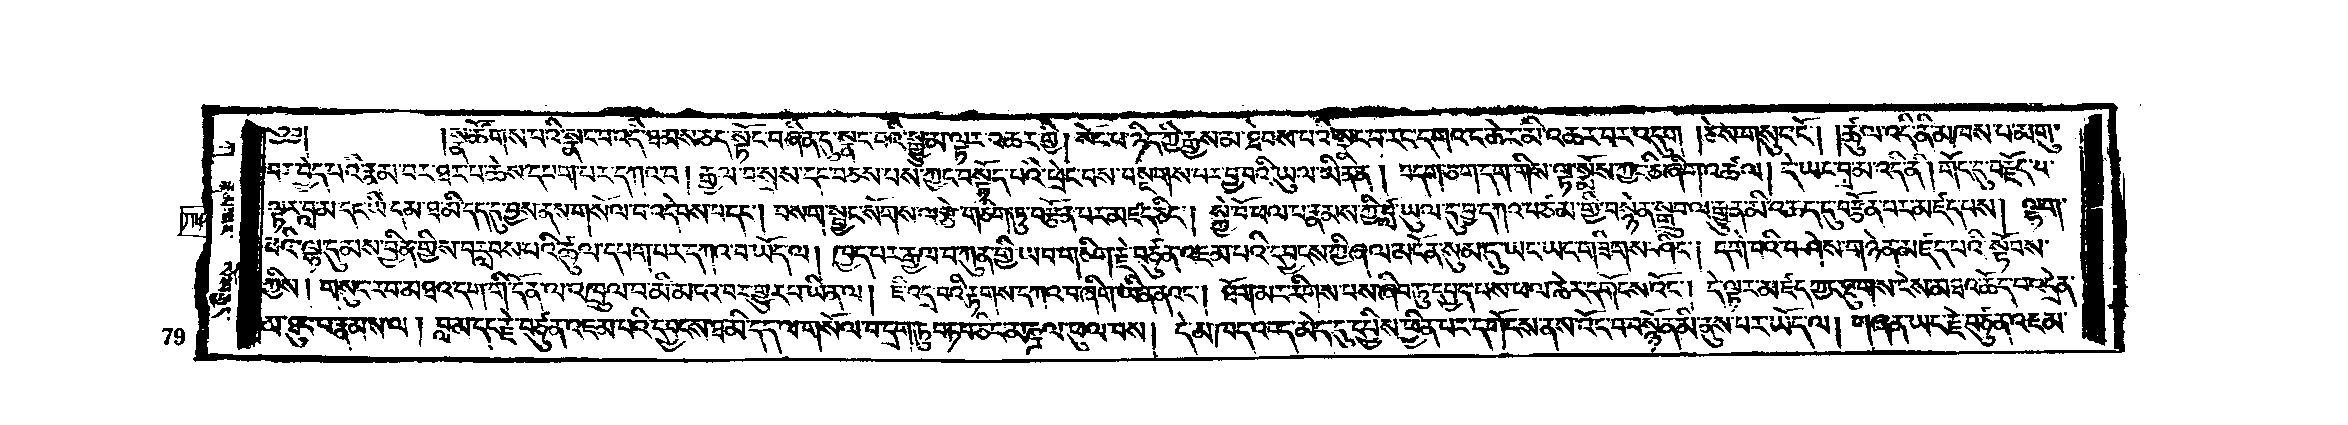༄༅། །སྣ་ཚོགས་པའི་སྣང་བ་འདི་ཐམས་ཅད་སྟོང་བཞིན་དུ་སྣང་བའི་སྒྱུ་མ་ལྟར་འཆར་གྱི། སོང་པ་ཉིད་ཀྱི་རྒྱས་མ་ཐེབས་པའི་སྣང་བ་རང་དགའ་བ་ཆེར་མི་འཆར་བར་འདུག །ཅེས་གསུང་ངོ། །ཚུལ་འདི་ནི་མཁས་པ་མགུ་
བར་བྱེད་པའི་རྣམ་པར་ཐར་པ་ཆེས་དཔག་པར་དཀའ་བ། རྒྱལ་བ་སྲས་དང་བཅས་པས་ཀྱང་བསྟོད་པའི་ཕྲེང་བས་བསྔགས་པར་བྱ་བའི་ཡུལ་ཡིན་ནི། བདག་ཅག་དག་གིས་ལྟ་སྨོས་ཀྱང་ཅི་ཞིག་འཚལ། དེ་ཡང་བྲ་མ་འདི་ནི། གོང་དུ་བརྗོད་པ་
ལྟར་བླ་མ་དང་ཡི་དམ་ཐ་མི་དད་དུ་བྱས་ནས་གསོལ་བ་འདེབས་པ་དང་། བསག་སྦྱང་སོགས་ལ་རྩེ་གཅིག་ཏུ་བརྩོན་པར་མཛད་ཅིང་། སྐྱེ་བོ་ཕལ་པ་རྣམས་ཀྱི་བློ་ཡུལ་དུ་བྱ་དཀའ་པ་ཙམ་གྱི་བསྙེན་སྒྲུབ་ལ་རྒྱུན་མི་འཆད་དུ་བརྩོན་པར་མཛད་པས། ལྷག་
པའི་ལྷ་དུ་མས་བྱིན་གྱིས་བརླབས་པའི་ཚུལ་དཔག་པར་དཀའ་བ་ཡོད་ལ། ཁྱད་པར་རྒྱལ་བ་ཀུན་གྱི་ཡབ་གཅིག་རྗེ་བཙུན་འཇམ་པའི་དབྱངས་ཀྱི་ཞལ་མངོན་སུམ་དུ་ཡང་ཡང་གཟིགས་ཤིང་། དགེ་བའི་བཤེས་གཉེན་མཛད་པའི་སྟོབས་
ཀྱིས། གསུང་རབ་མཐའ་དག་གི་དོན་ལ་འཁྲུལ་པ་མི་མངའ་བར་གྱུར་པ་ཡིན་ལ། ཇི་འདྲ་བའི་རྟགས་དཀའ་བ་ཞིག་ཡིན་ནའང་། ཐོག་མར་རིགས་པས་ཞིབ་ཏུ་དཔྱད་པས་ཕལ་ཆེར་དགོངས་འོང་། དེ་ལྟར་མཛད་ཀྱང་ཐུགས་ངེས་མཐའ་ཆོད་པ་འདྲེན་
མ་ཐུབ་པ་རྣམས་ལ། བླ་མ་དང་རྗེ་བཙུན་འཇམ་པའི་དབྱངས་ཐ་མི་དད་ལ་གསོལ་བ་དྲག་ཏུ་བཏབ་ཅིང་མཎྜལ་ཕུལ་བས། དེ་མཁད་འབད་མེད་དུ་དཔྱིས་ཕྱིན་པར་དགོངས་ནས་འོང་བ་བསྙོན་མི་ནུས་པར་ཡོད་ལ། གཞན་ཡང་རྗེ་བཙུན་འཇམ་